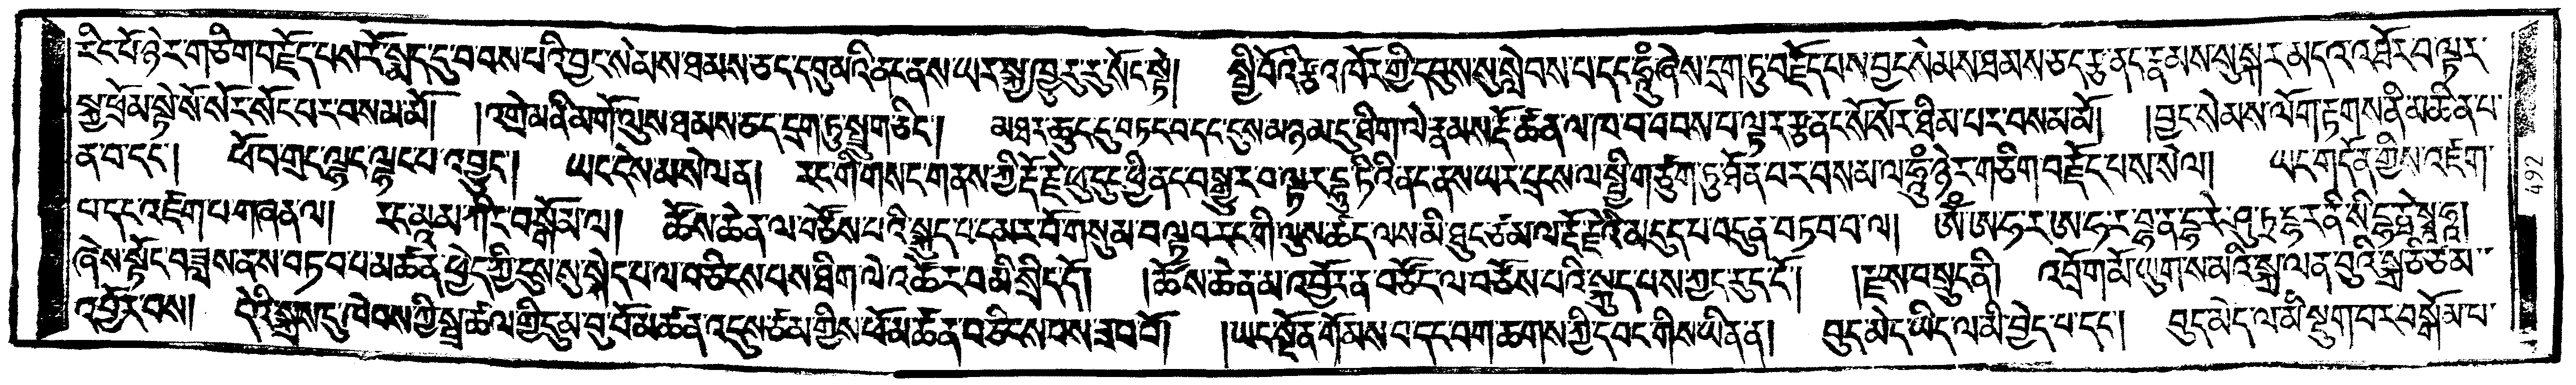རིང་པོ་ཉེར་གཅིག་བརྗོད་པས་རོ་སྨད་དུ་བབས་པའི་བྱང་སེམས་ཐམས་ཅད་དབུ་མའི་ནང་ནས་ཡར་སྐྱ་ཁྱུ་རུ་རུ་སོང་སྟེ། སྤྱི་བོའི་རྩ་འཁོར་གྱི་དབུས་སུ་སླེབས་པ་དང་ཧཱུཾ་ཞེས་དྲག་ཏུ་བརྗོད་པས་བྱང་སེམས་ཐམས་ཅད་རྩ་ནང་རྣམས་སུ་སྐར་མདའ་འཐོར་བ་ལྟར་
སྐྱ་ཕྲོམ་སྟེ་སོ་སོར་སོང་བར་བསམ་མོ། །འགྲེ་མ་ནི་མགོ་ལུས་ཐམས་ཅད་དྲག་ཏུ་སྤྲུག་ཅིང་། མཐར་ཆུང་དུ་བཏང་བ་དང་དུས་མཉམ་དུ་ཐིག་ལེ་རྣམས་རྡོ་ཚན་ལ་ཁ་བ་བབས་པ་ལྟར་རྩ་ནང་སོ་སོར་ཐིམ་པར་བསམ་མོ། །བྱང་སེམས་ལོག་རྟགས་ནི་མཆིན་པ་
ན་བ་དང་། ཕོ་བ་གྲང་ལྷང་ལྷང་པ་འབྱུང་། ཡང་དེས་མ་སེལ་ན། རང་གི་གསང་གནས་ཀྱི་རྡོ་རྗེ་ཕུ་དུང་ཕྱི་ནང་བསྒྱུར་བ་ལྟར་དྷུ་ཏིའི་ནང་ནས་ཡར་དྲངས་ལ་སྤྱི་གཙུག་ཏུ་ཐོན་པར་བསམ་ལ་ཧཱུཾ་ཉེར་གཅིག་བརྗོད་པས་སེལ། ཡང་གདོན་གྱིས་འཛག་
པ་དང་འཛག་པ་གཞན་ལ། རང་མཱ་མ་ཀིར་བསྒོམ་ལ། ཆོས་ཆེན་ལ་བཙོས་པའི་སྐུད་པ་དམར་པོ་གསུམ་བལྟ་བ་རང་གི་ལུས་ཚད་ལས་མི་ཐུང་ཙམ་ལ་རྡོ་རྗེའི་མདུད་པ་བདུན་བཏབ་པ་ལ། ཨོཾ་ཨ་ཧ་ར་ཨ་ཧ་ར་བྷ་ན་དྷ་རེ་ཤུ་ཏྲ་དྷ་ར་ནི་སིདྷ་རྠེ་སྭཱཧཱ།
ཞེས་སྟོང་བཟླས་ནས་བཏབ་པ་མཚན་ཕྱེད་ཀྱི་དུས་སུ་སྐེད་པ་ལ་བཅིངས་པས་ཐིག་ལེ་འཚེར་བ་མི་སྲིད་དོ། །ཆོས་ཆེན་མ་འབྱོར་ན་བཙོད་ལ་བཙོས་པའི་སྐུད་པས་ཀྱང་རུང་ངོ། །རྫས་བསྲུང་ནི། འབྲོག་མོ་ཡུག་ས་མའི་སྐྲ་ལན་བུའི་སྒྲ་ཅི་ཙམ་
འབྱོར་བས། དེའི་སྐྲས་དུ་ཁེབས་ཀྱི་སྦྲ་ཚལ་གྱི་དུམ་བུ་བོ་མཚན་འདུས་ཙམ་གྱིས་ཕོ་མཚན་བཅིངས་བས་ཟབ་བོ། །ཡང་སྔོན་གོམས་པ་དང་བག་ཆགས་ཀྱི་དབང་གིས་ཡིན་ན། བུད་མེད་ཡིད་ལ་མི་བྱེད་པ་དང་། བུད་མེད་ལ་མི་སྡུག་བར་བསྒོམ་པ་